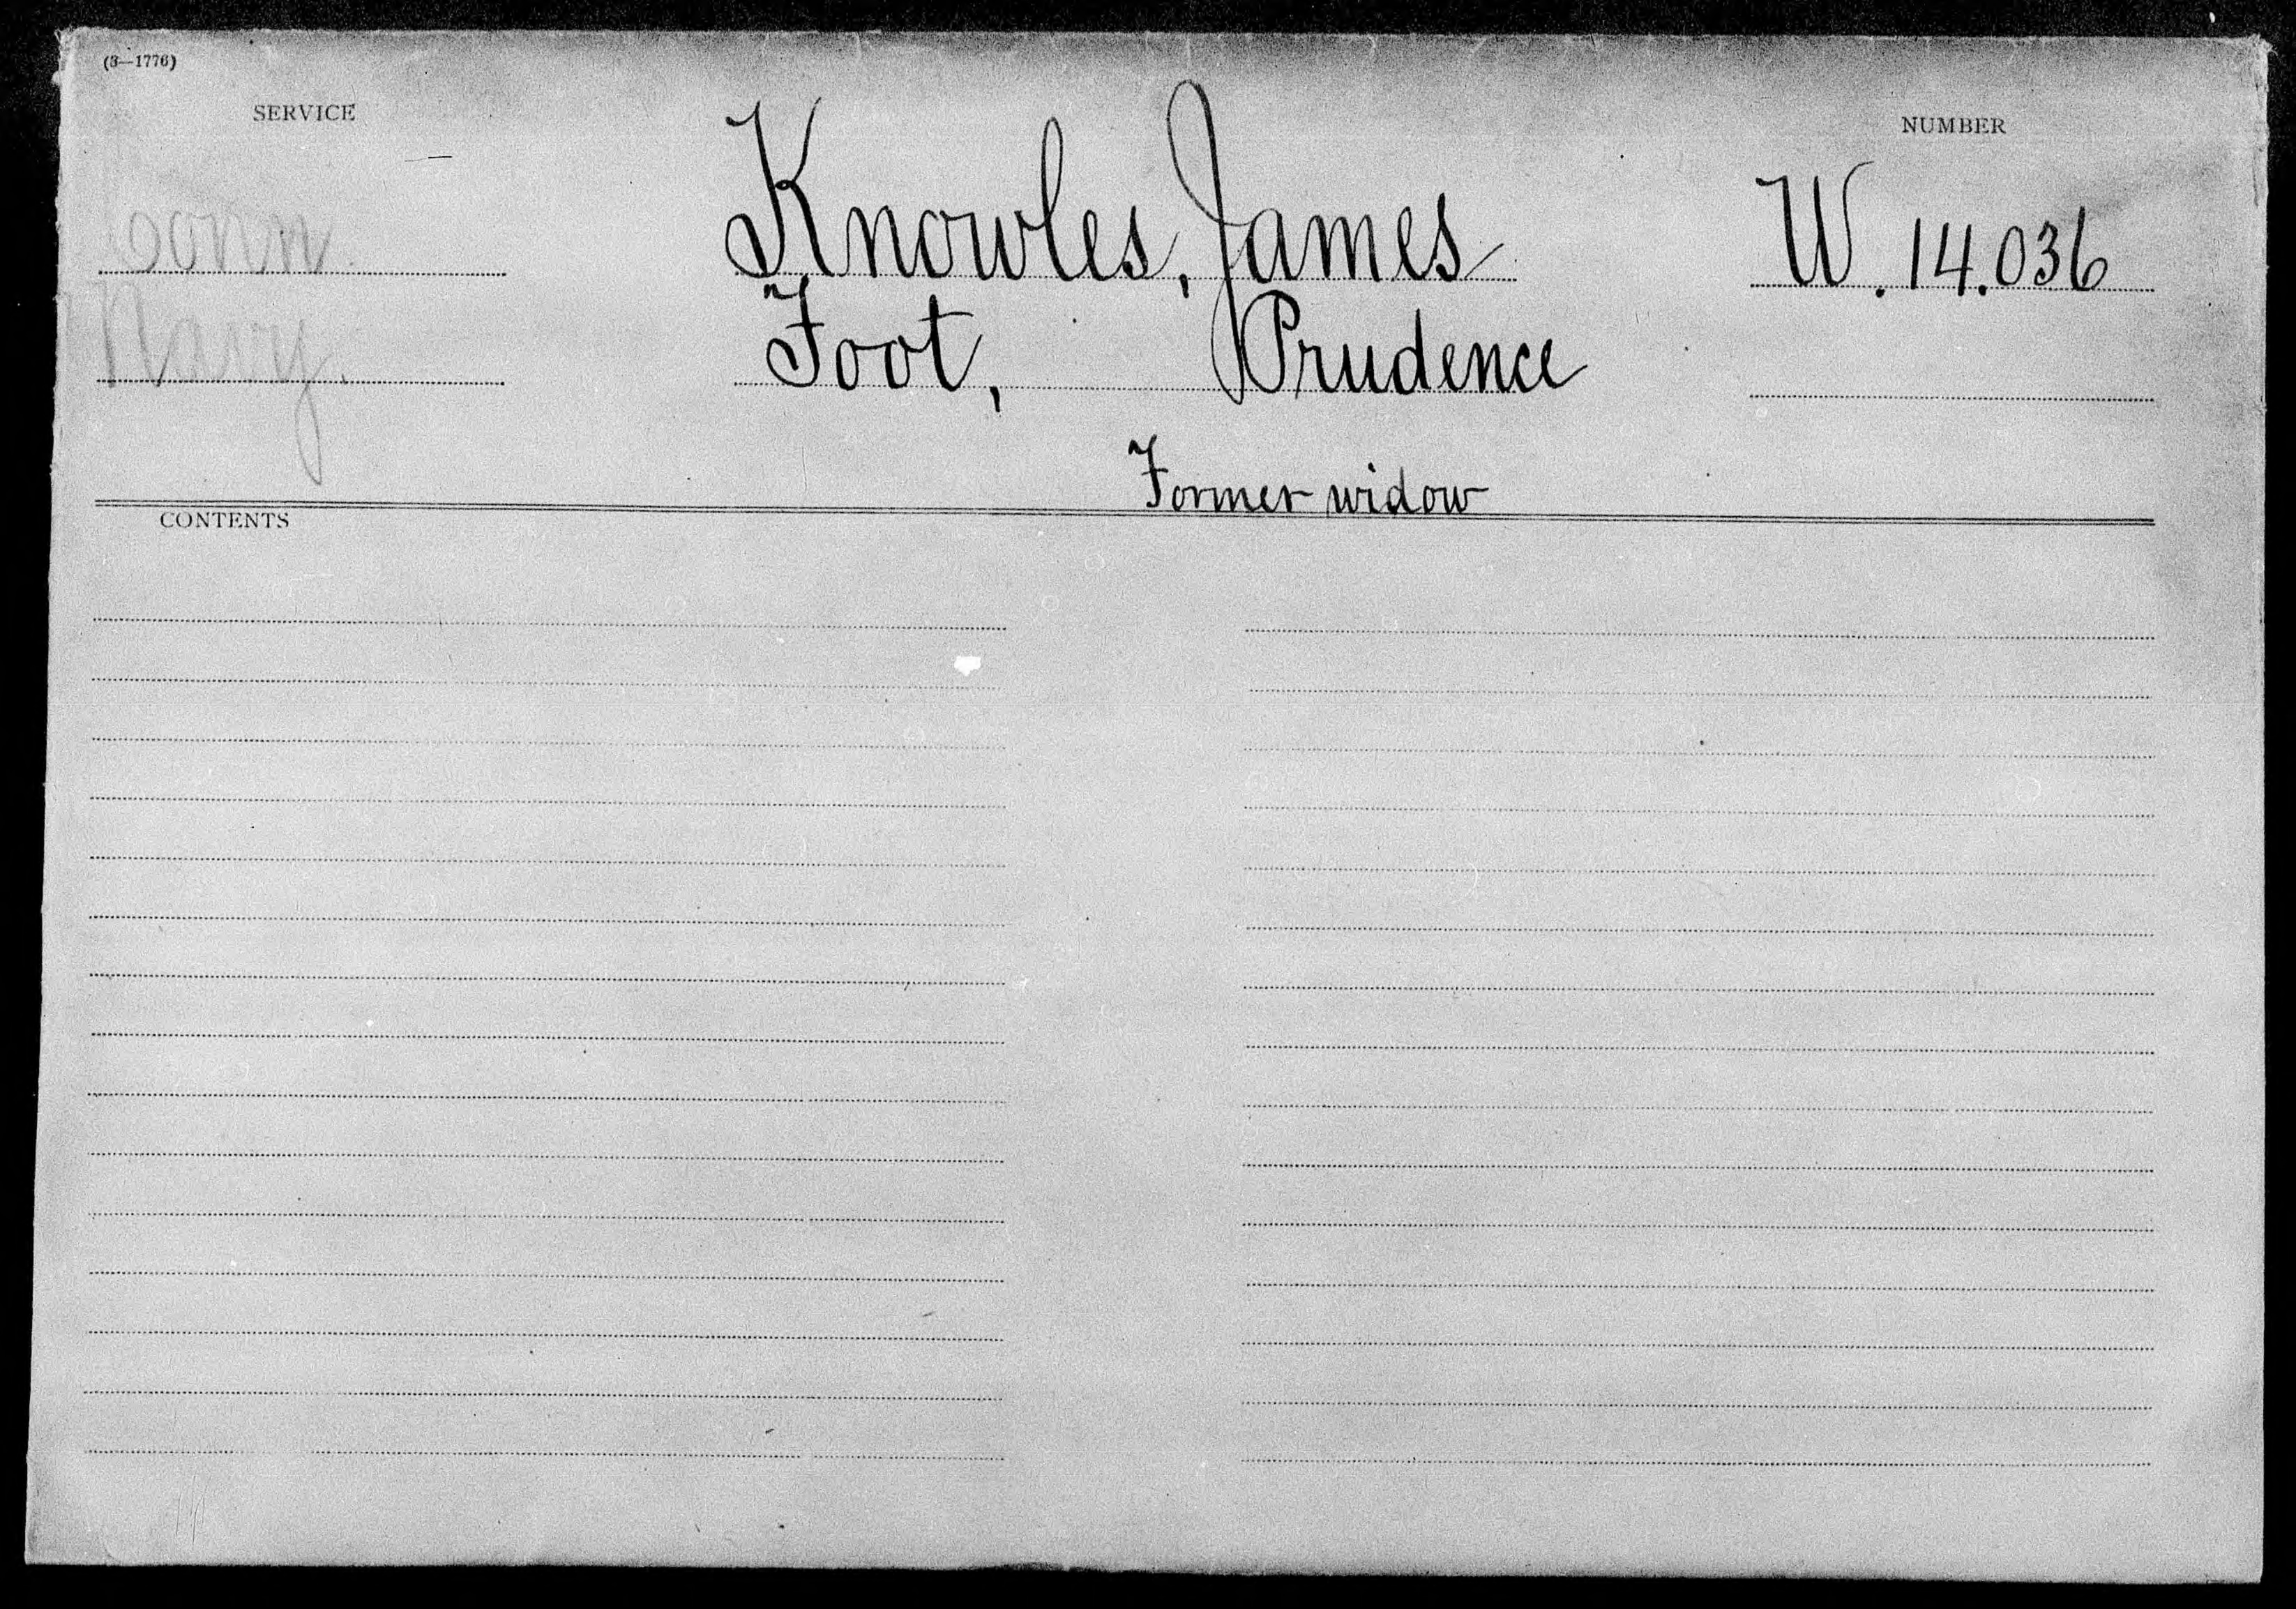Service
Conn Navy

Knowles, James
Foot, Prudence
Former widow

Number 
W.14.036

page: 1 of 60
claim: widow's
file: W. 14,036, for James Knowles, Connecticut